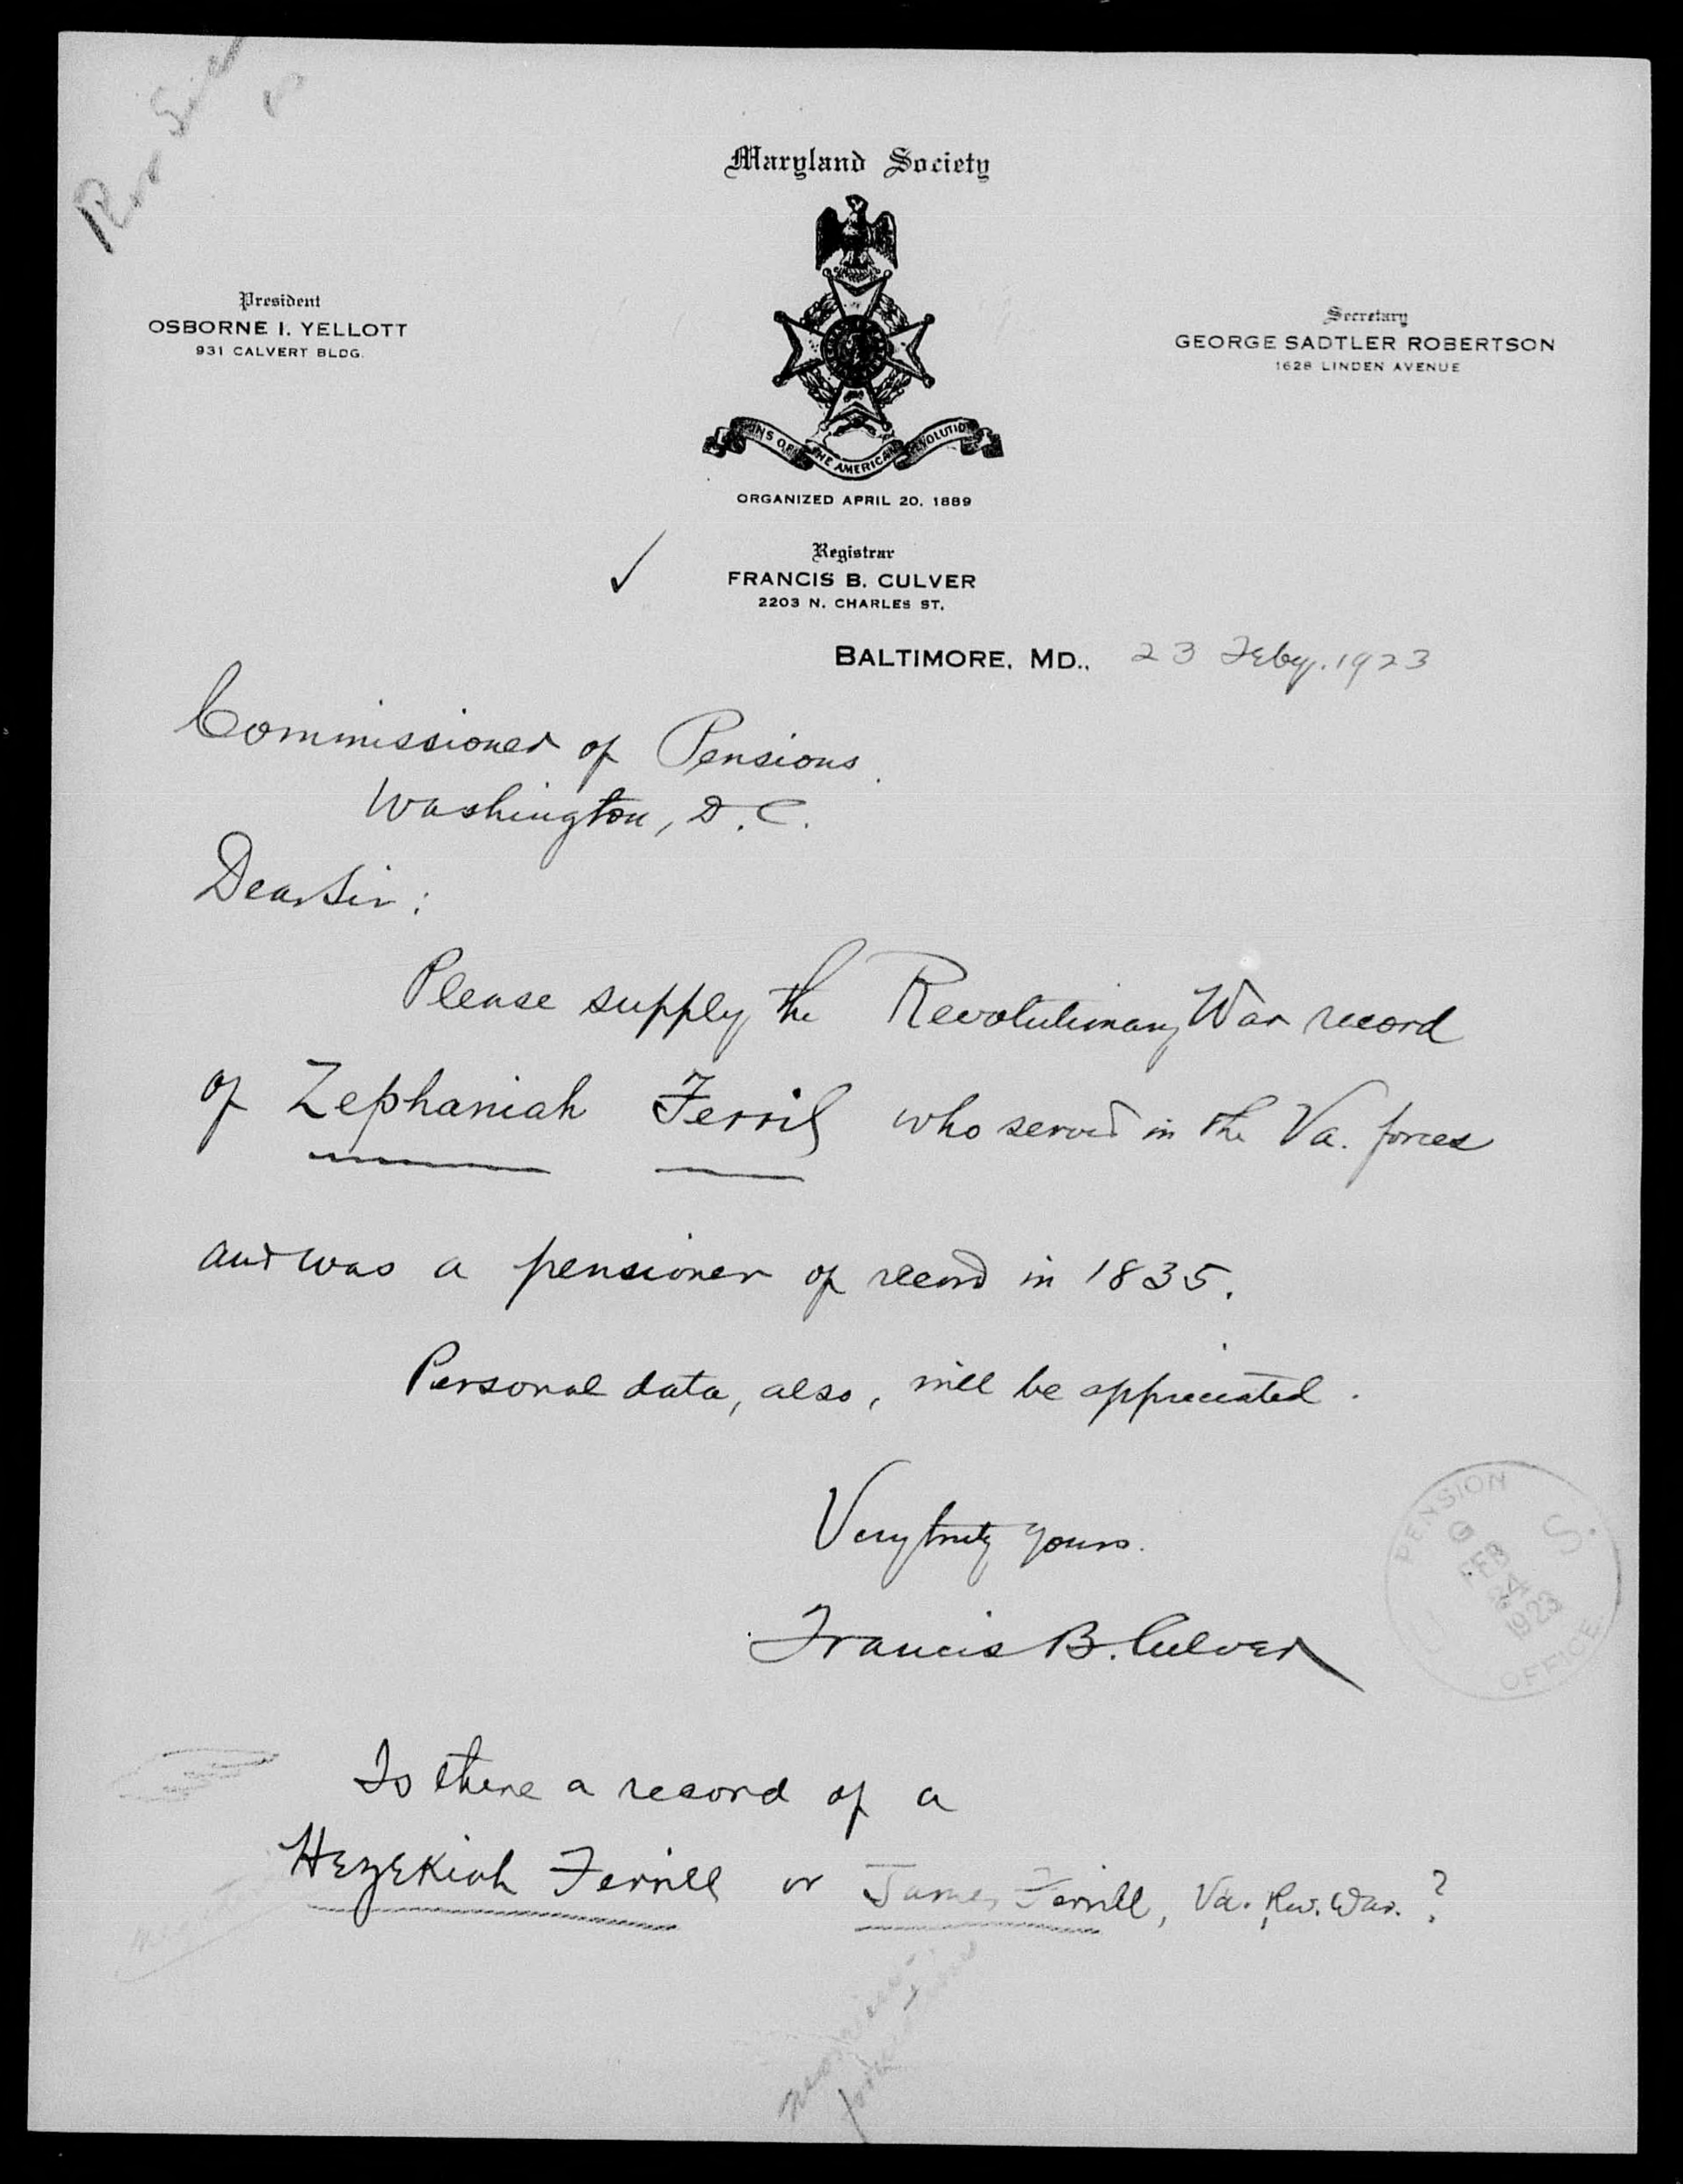Maryland Society
Organized April 20, 1889

President
Osborne I. Yellott
931 Calvert Bldg.

Secretary
George Sadtler Robertson
1628 Linden Avenue

Registrar
Francis B. Culver
2203 N. Charles St.

Baltimore, MD., 23 Febr. 1923
Commissioner of Pensions
Washington, D.C.

Dear Sir: Please supply the Revolutionary War record of Zephaniah Ferril who served in the Va. forces and who was a pensioner of record in 1835. Personal data, also, will be appreciated.

Very truly yours,
Francis B. Culver

Is there a record of a Hezekiah Ferrill or James Ferrill, Va., Rev. War?

[Stamped U.S. Pension Office Feb. 24 1923]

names: James Ferrill, George Sadtler Robertson, Osborne I Yellott, Zephaniah Ferril, Francis B Culver, Hezekiah Ferrill, Francis B Culver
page: 10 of 12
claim: survivor's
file: S. 35928, Zephaniah Ferrill, Cont. (Va)